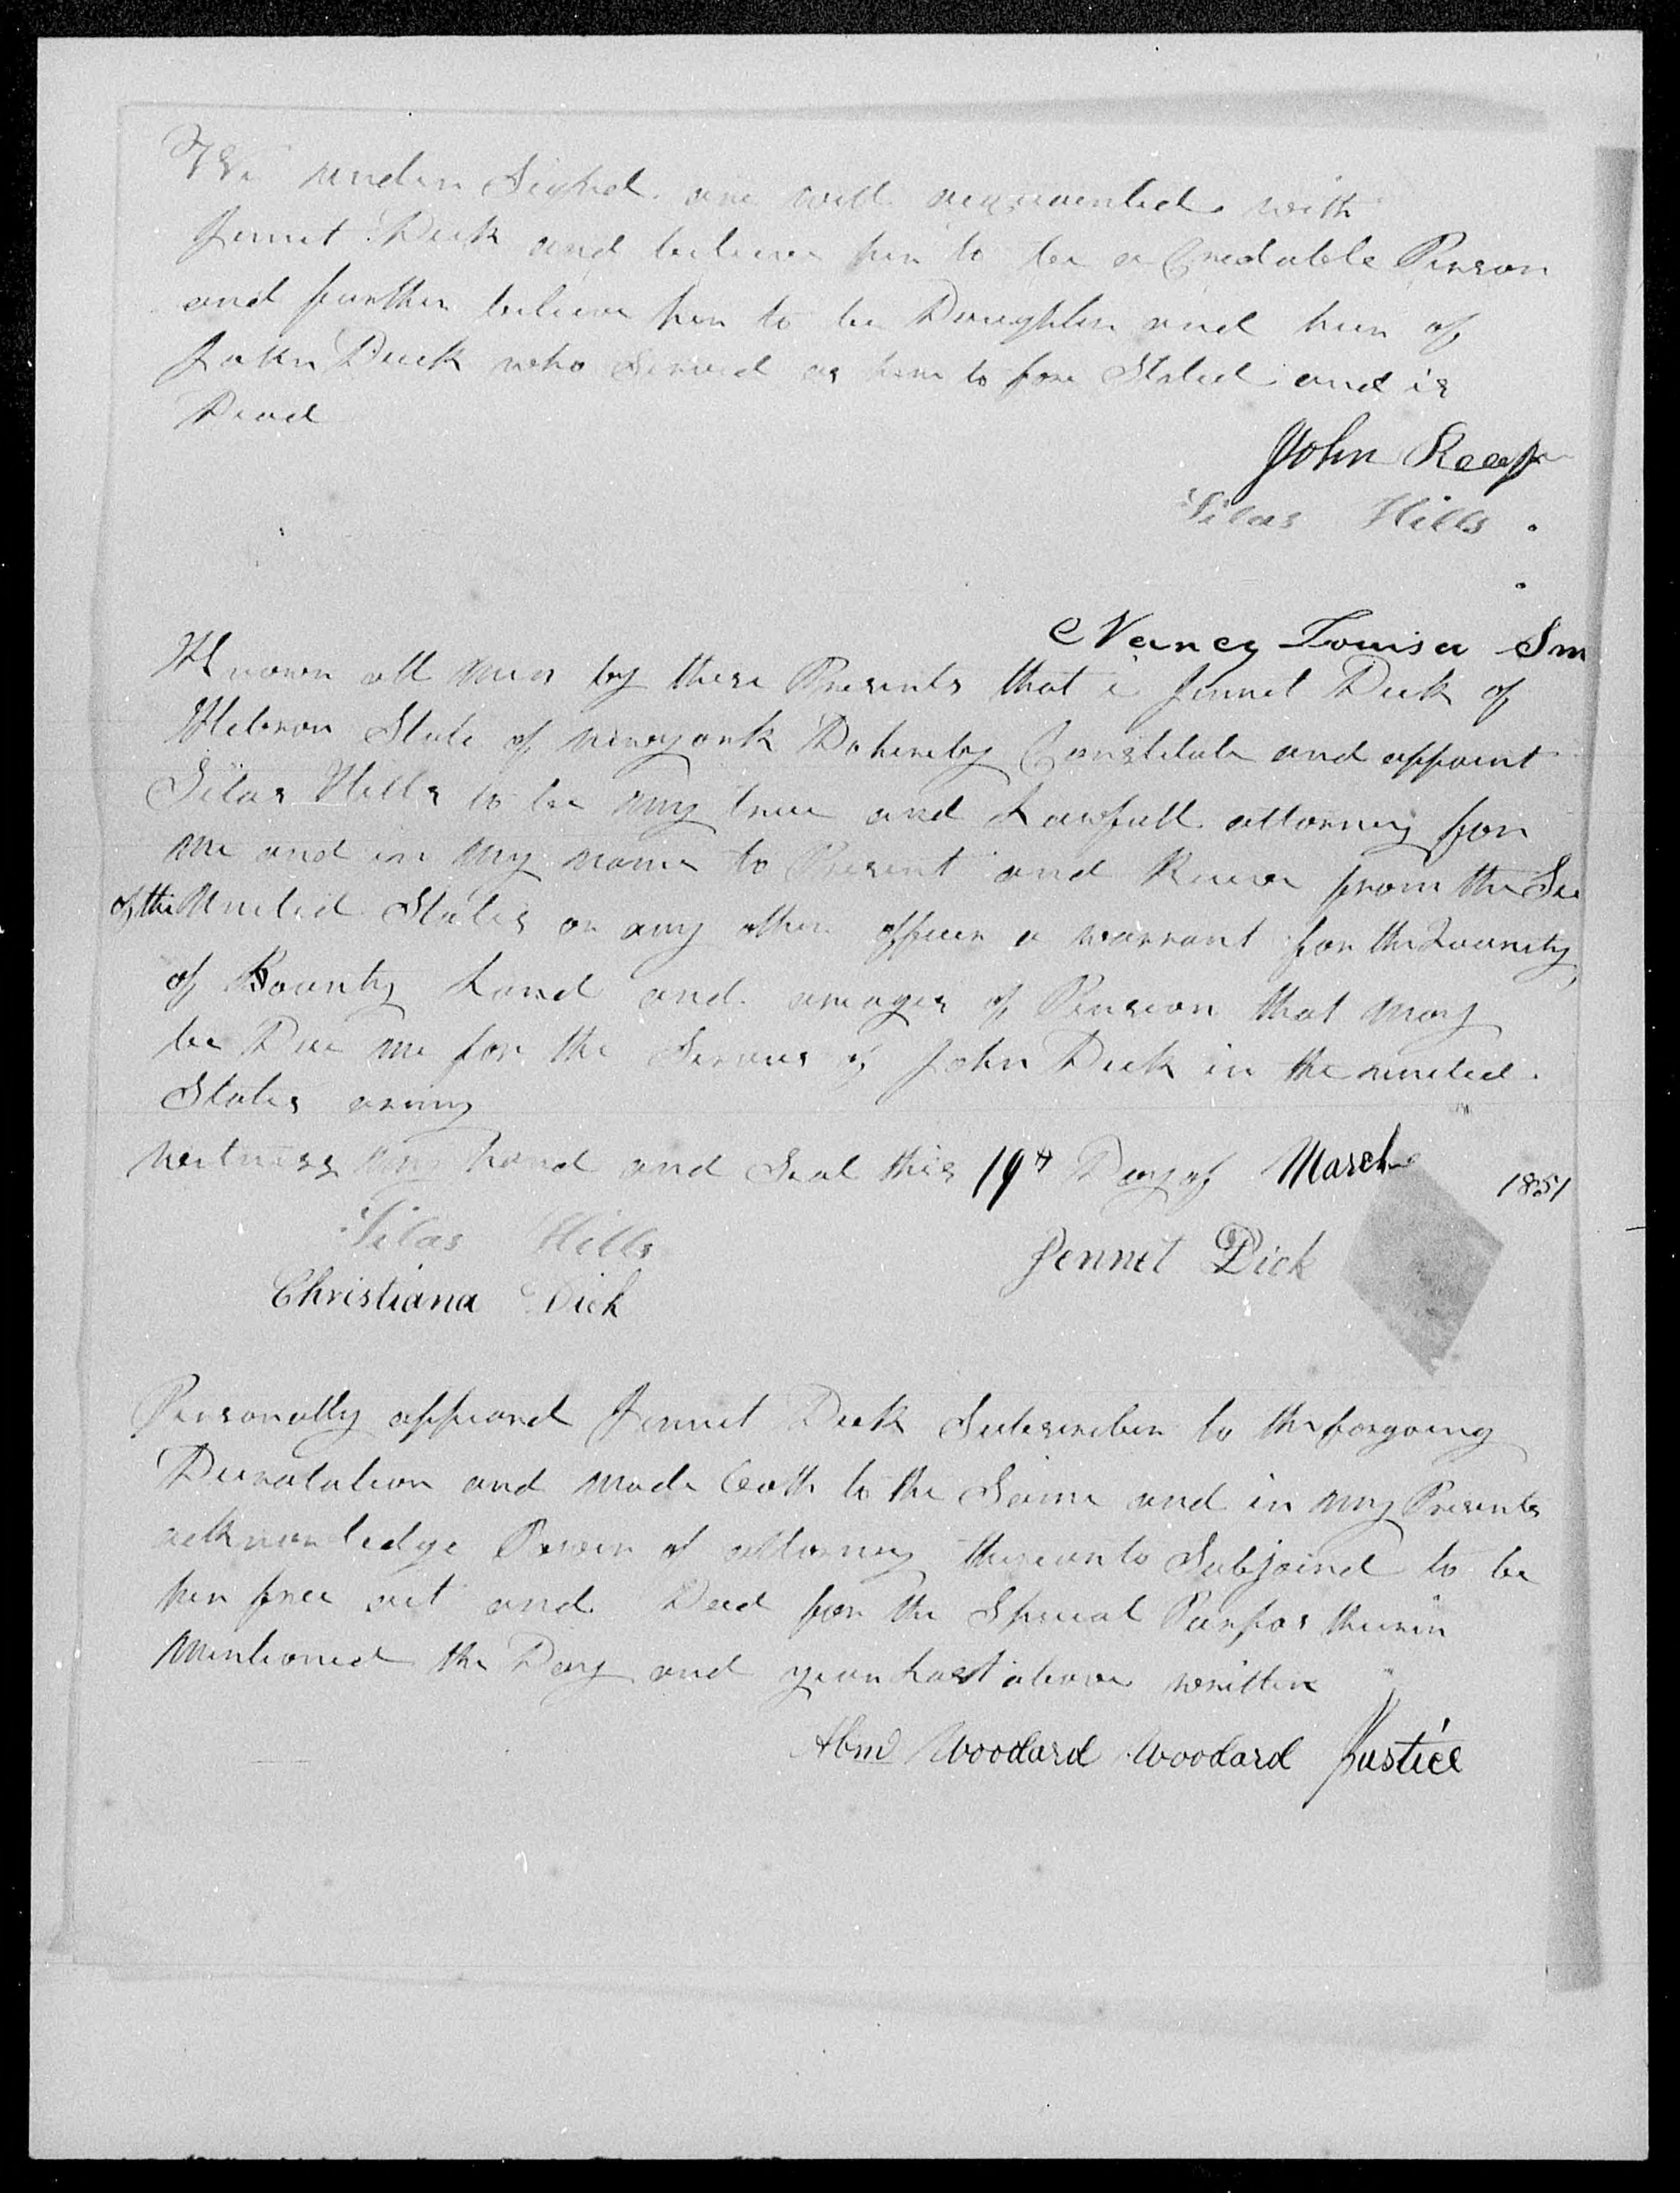We undersigned are well acquainted with Jennet Dick and believe her to be a Credable(sic) Person and further believe her to be Daughter and heir of John Dick who served as here to fore Stated and is Dead.
/s/John Reese
/s/Silas Hills

Nancy Louis [illegible]
Known all here by there(sic) Presents that is Jennet Dick of Hebron State of New York do hereby Constitute and appoint Silas Hills to be my true and Lawfull attorney for me and in my name to represent and Review from Mrs. Louis of the United States or any other officer a warrant for the Quantity of Bounty Land and [illegible] of Pension that may be Due me for the Service of John Dick in the United States army.
Witness the hand and seal this 19th Day of March 1851
/s/Jennet Dick
/s/Silas Hills
/s/Christiana Dick

Personally approved Jennet Dick Subscribed to the foregoing Declaration and made oath to the Same and in  my Presents acknowledge Power of attorney thereunto Subjoined to be [illegible] and Died from the Special Purpose therein mentioned the day and year above written.
/s/Abram Woodard Woodard Justice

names: John Dieck, John Reas, Silas Hills, Nancy Louisa, Christiana Dick, Jennet Dick, Silas Hills, John Dick, Jennet Dick, Abm Woodard, Jennet Dick, Jennet Dick, Silas Hills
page: 7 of 9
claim: rejected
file: R. 2,930, John Dick, Vt.